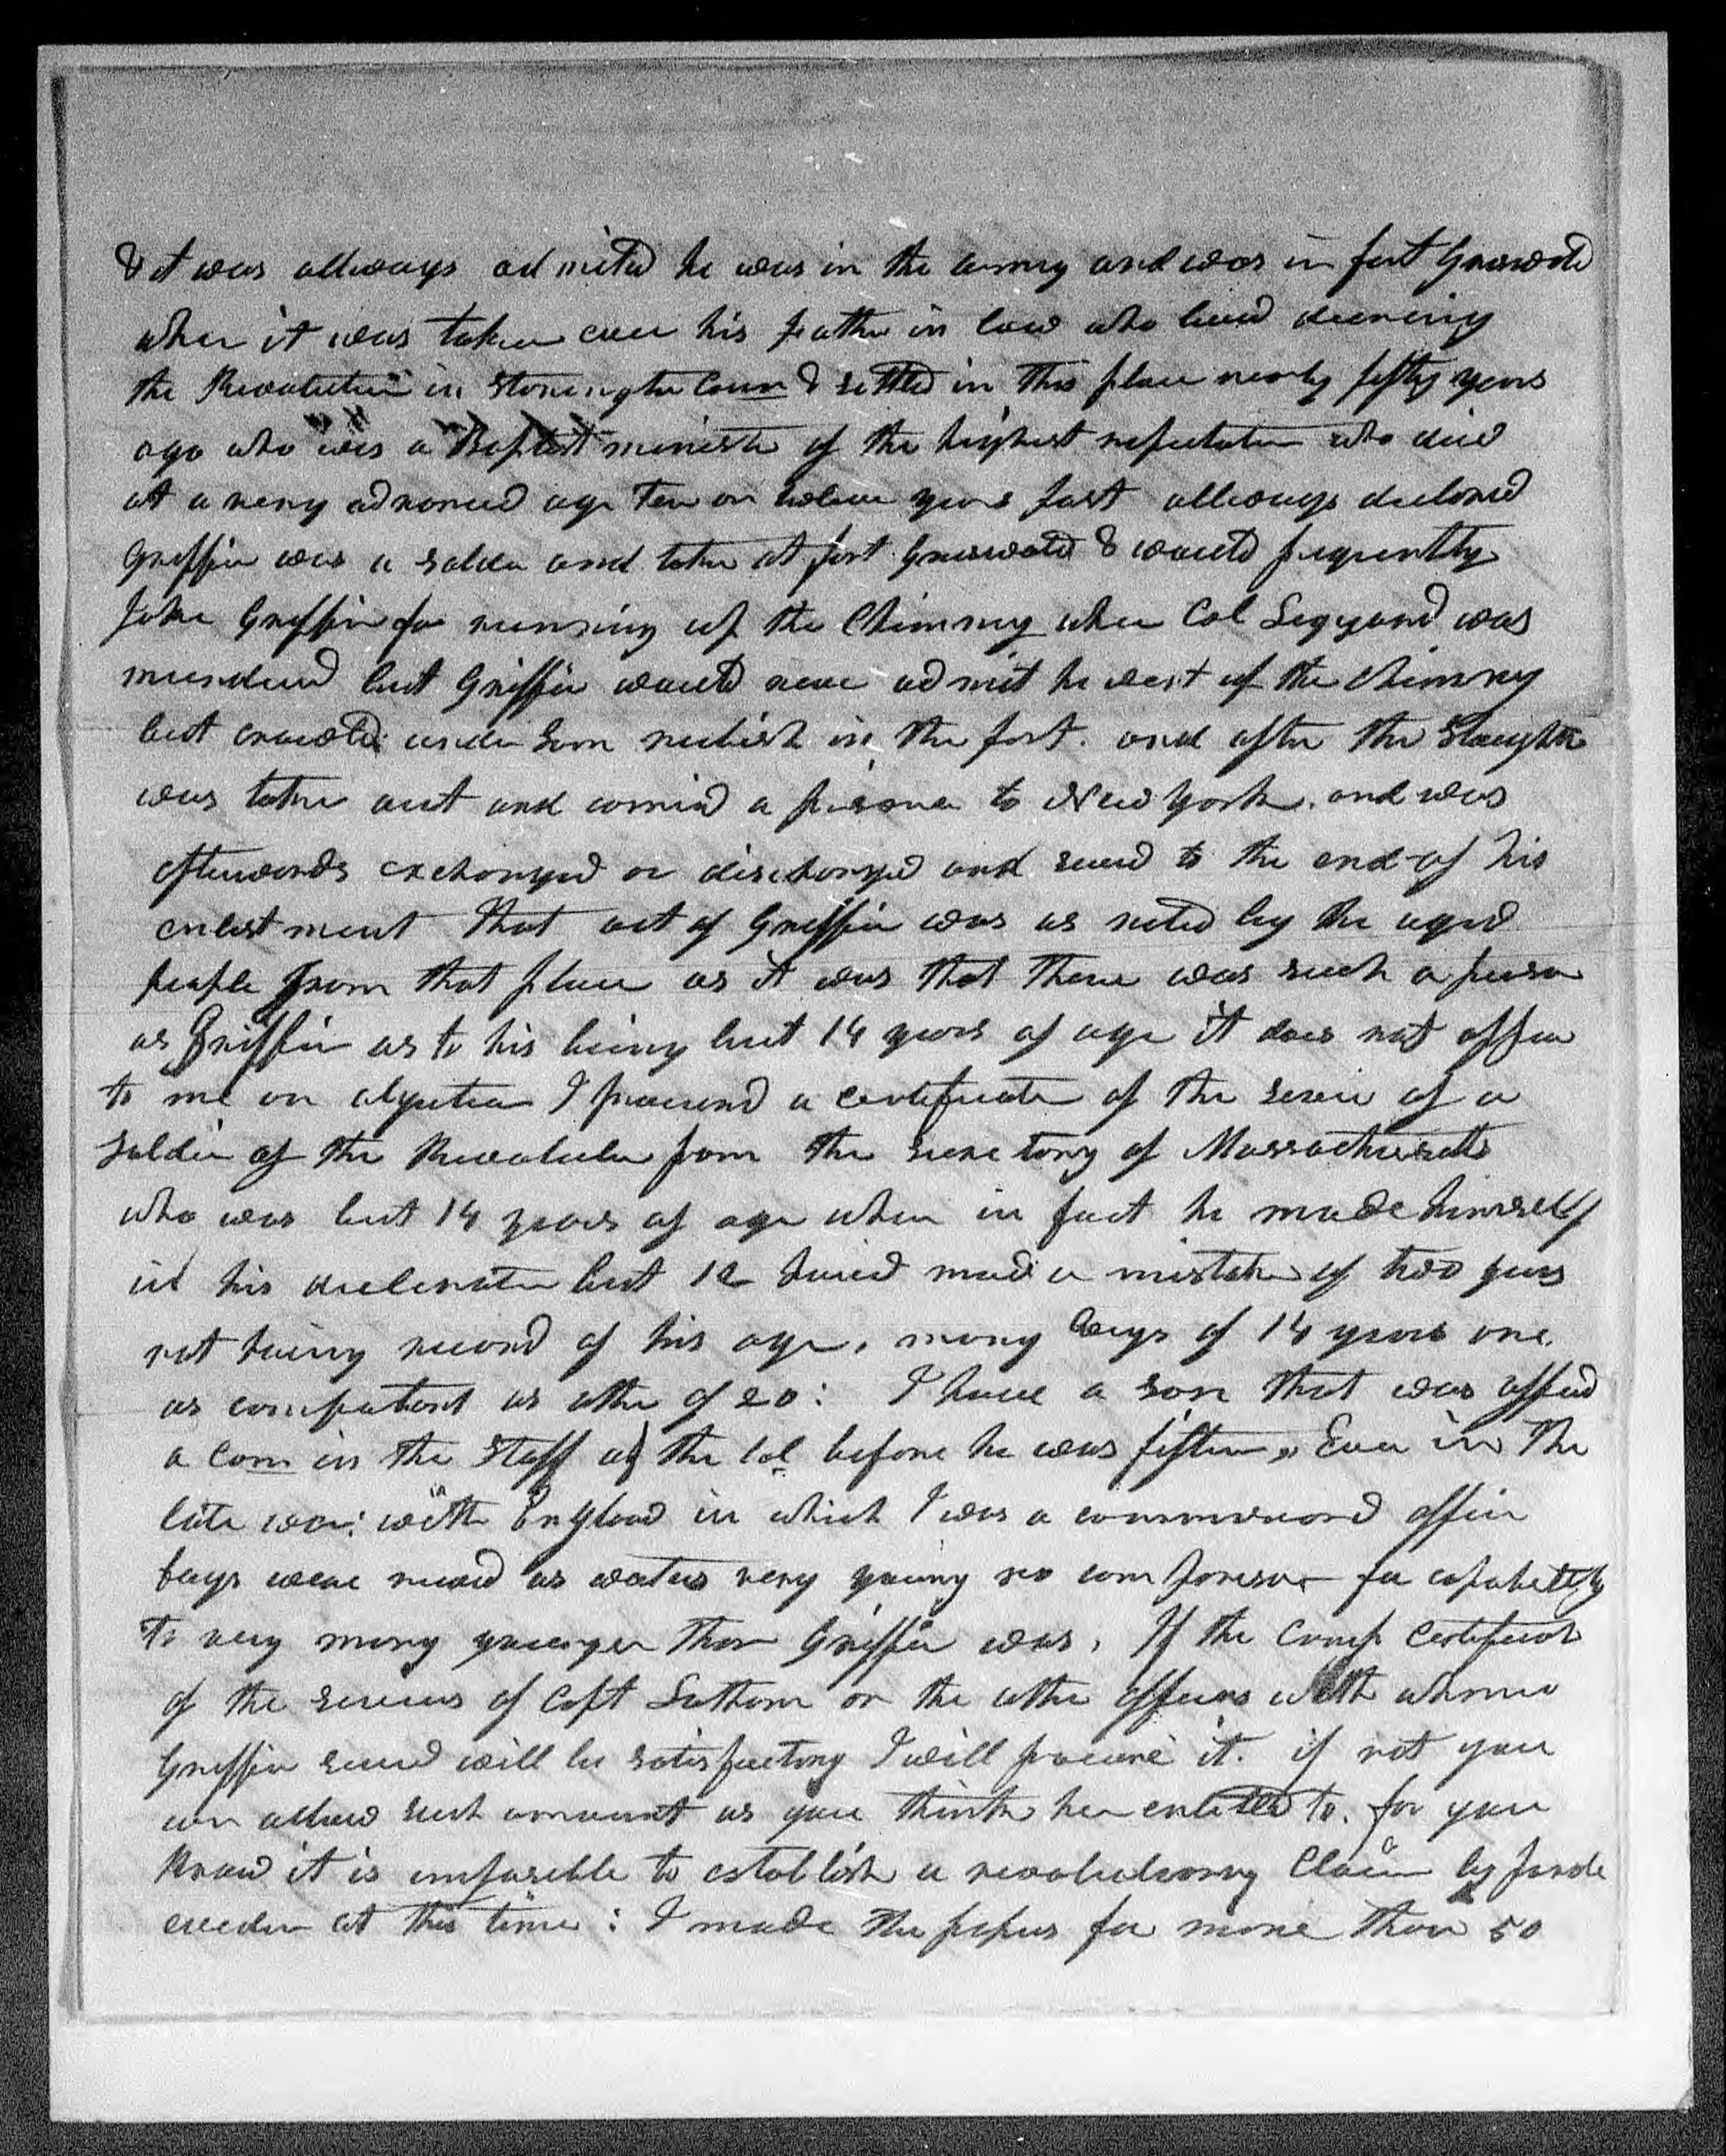& it was always admmited he was in the army and was in fort Griswold when it was taken over his father in law who lived during the Revolution in Stonington Conn. & settled in this place nearly fifty years age who was a Baptist minister of the highest reputation who died at a very advanced age ten or twelve years past always declared Griffin was a solder and taken at fort Griswold & would frequently joke Griffin for running up the chimney when Col Ledyard was murdered but Griffin would never admit he went up the chimney but [illegible] under some rubbish in the fort and after the slaughter was taken out and carried a prisoner to New York, and was afterwards exchanged or discharged and saved to the end of his enlistment that act of Griffin was as noted by the aged people from that place as it was that there was such a prison as Griffin as to his being but 14 years of age it does not offer to me an objection I found a certificate of the service of a soldier of the Revolution from the Secretary of Massachusetts who was but 14 years of age when in fact he made himself in his declaration but 12 just made a mistake of two years not being record of his age, many boys of 14 years one as competent as with of 20. I have a son that was offered a com in the staff of the Col before he was fifteen, even in the late war with England in which I was a commisioned officer boys were needed as waiters very young so [illegible] for capability to very many younger than Griffin was, If the Church certificates of the services of Capt Lathom of the other officers with whom Griffin served  will be satisfactory I will procure it, if not you can allow such amount as you think her entitled to for you know it is impossible to establish a revolution claim by parole evidence at this time: I made the papers for more than 50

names: Griffin, Griffin, Griffin, Legyard, John Griffin, Lathom, Griffin, Griffin, Griffin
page: 27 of 60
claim: widow's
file: W. 19,537, Thomas Griffin, Conn.